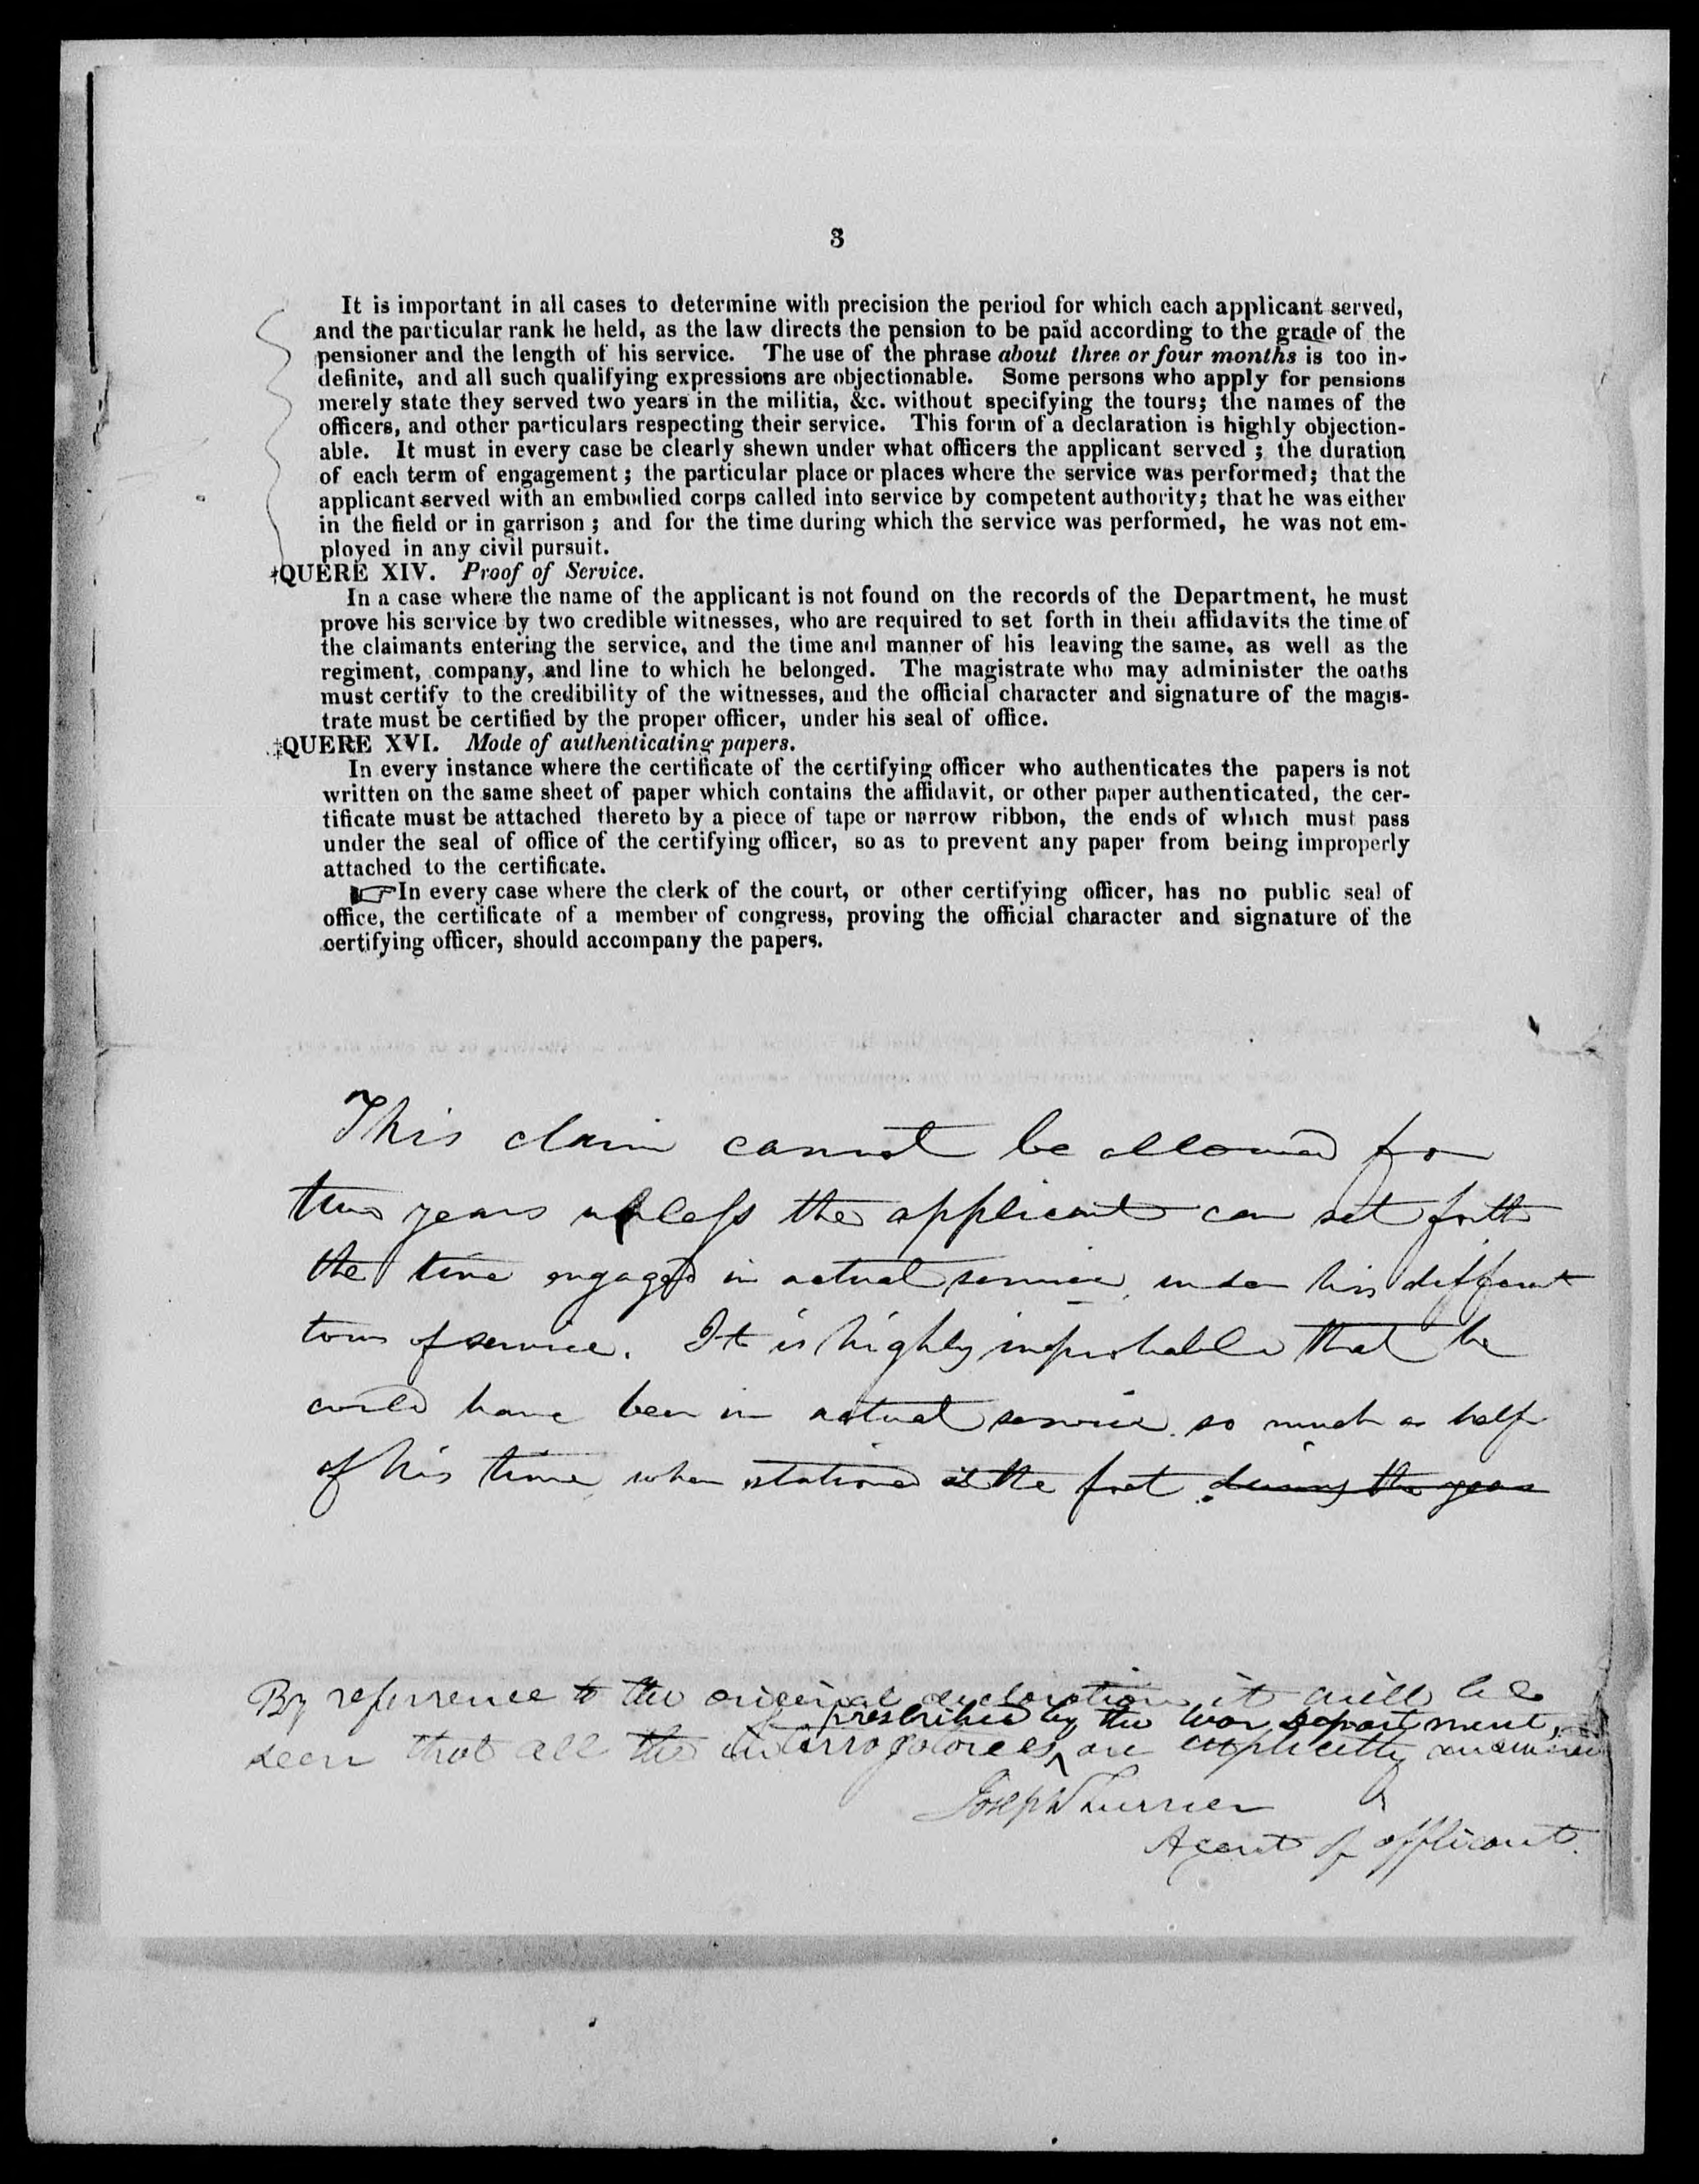It is important in all cases to determine with precision the period for which each applicant served, and the particular rank he held, as the law directs the pension to be paid according to the grade of the pensioner and the length of his service.  The use if the phrase about two or three months is to indefinite, and all such qualifying expressions are objectionable. Some persons who apply for pensions merely state they served two years in the militia, &c. without specifying the tours; the names of the officers, and other particulars respecting their service. This form of declaration is highly objectionable. It must in every case be clearly shewn under what officers the applicant served; the duration of each term of engagement; the particular place or places where the service was performed; that the applicant served with an embodied corps called into service by a competent authority; that he was either in the field or in a garrison; and for the time during which the service was performed, he was not employed in civil pursuit.
QUERE XIV. Proof of Service
In a case where the name of the applicant is not found on the records of the Department, he must prove his service by two credible witnesses, who are required to set forth in their affidavits the time of the claimants entering the service, and the time and manner of his leaving the same, as well as the regiment, company,, and line to which he belonged, 
The magistrate who may administer the oaths must certify to the credibility of the witnesses, and the official character and signature of the magistrate must be certified by the proper officer, under his seal of office.
QUERE XVI Mode of authenticating papers.
In every instance where the certificating officer who authenticates the papers is not written on the same sheet of paper which contains the affidavit, or other paper authenticated, the certificate must be attached thereto by a piece of tape or narrow ribbon the ends of which must pass under the seal of the office of the certifying officer, so as to prevent any paper from being improperly attached to the certificate.
[pointing hand] In every case where the clerk of the court or other certifying officer, has no public seal of office, the certificate of a member of congress, proving the official character and signature of the certifying officer, should accompany the papers.





This claim cannot be allowed for two years unless the applicant can set forth the time engaged in actual service, under his different tours of service. It is highly improbable that he could have been in natural service so much as half of his time when stationed at the front. 
By reference to the original declaration, it will be that all the interrogators prescribed by the War Department, are implicitly unsure.

Joseph Turner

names: Joseph Turner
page: 27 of 34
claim: widow's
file: W. 8897, Evan Haines, Ga